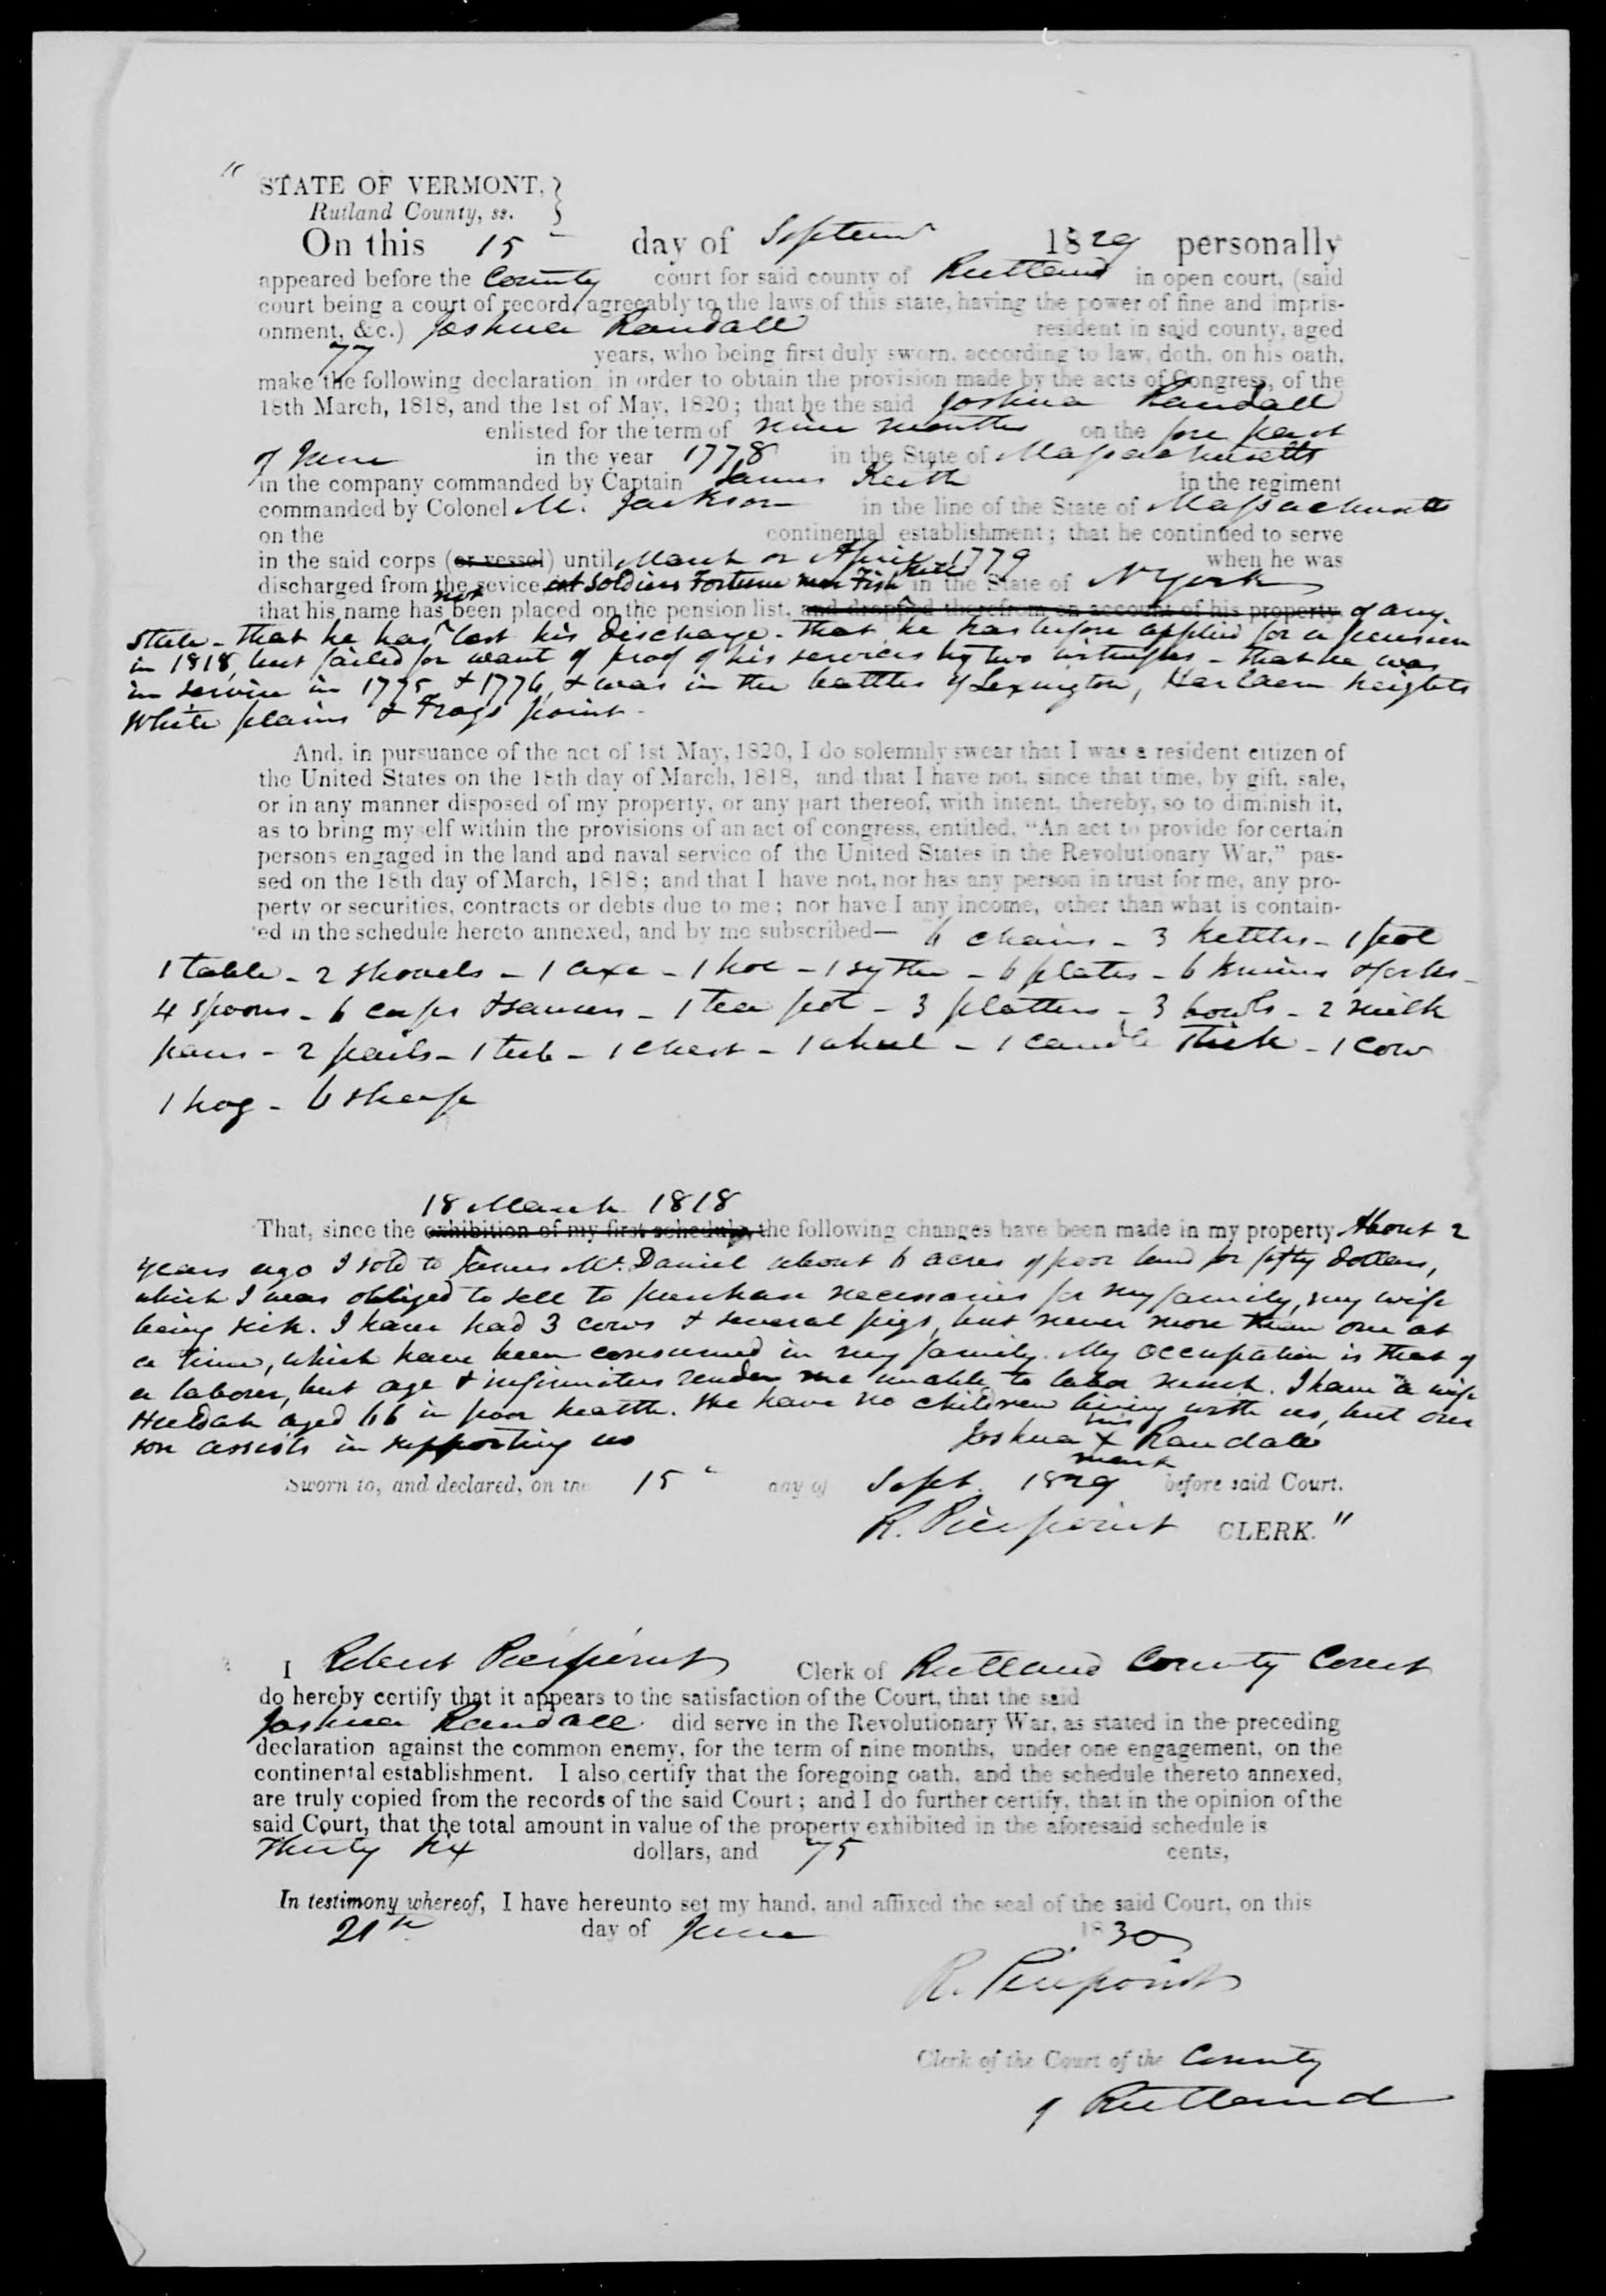STATE OF VERMONT Rutland County, ss.
On this 15 day of Septem’r 1829 personally appeared before the County
court for said county of Rutland in open court, (said court being a court of record agreeably to the laws of this state, having the power of fine and imprisonment, &c. ) Joshua Randall resident in said county, aged 77
years, who being first duly sworn, according to law, doth, on his oath.
make the following declaration in order to obtain the provision made of the act of Congress of the 18th March, 1818, and the 1st of May, 1820; that he the said Joshua Randall enlisted for the term of nine months
on the forepart of June in the year 1778 in the State of Massachusetts
in the company commanded by Captain James Keith in the regiment
commanded by Colonel M. Jackson in the line of the State of Massachusetts on the continental establishment; that he continued to serve in the said corps [crossed out-’(or vessel)’] until March or April 1779, when he was discharged from the service [insert- “at Soldiers Fortress near Fisk’] in the State of N York. That his name has not been placed on the pension list thereof any state. That he has lost his discharge. That he has before applied for a pension in 1818, but failed for want of proof of his service by two witnesses. That he was
in service in 1775 & 1776 & was in the battle of Lexington, Harlem Heights, White Plains & Frog's point.
And, in pursuance of the act of 1st May, 1820, I do solemnly swear that I was a resident citizen of the United States on the 18th day of March, 1818, and that I have not since that time, by gift, sale, or in any manner disposed of my property, or any part thereof, with intent thereby so to diminish it, as to bring myself within the provisions of an act of congress, entitled "An act to provide for certain persons engaged in the land and naval service of the United States in the Revolutionary War passed on the 18th day of March, 1818; and that I have not, nor has any person in trust for me, any property or securities, contracts or debts due to me; nor have I any income, other than what is contained in
the schedule hereto annexed, and by me subscribed –
6 chairs  - 3 kettles - 1 pot - 
1 table - 2 Shovels - 1 axe - 1 hoe - 1 scythe - 6 plates - 6 knives & forks
4 spoons - 6 cups & saucers - 1 tea pot - 3 Platters - 3 bowls - 2 milk pans- 2 pails-- 1 tub - 1 chest– 1 [wheel] - 1 Candle stick - 1 Cow - 1 hog - 6 [sheep]
That, since 18 March 1818, the following changes have been made in my property. About 2 years ago I sold to James McDaniel about 6 acres of poor land for fifty dollars, which I was obliged to sell to purchase necessaries for my family, my wife being sick. I have had 3 cows & several pigs, but never more than one at a time, which have been consumed in my family. My occupation is that of a labour but age & infirmities render me unable to labor much. I have a wife Huldah aged 66 in poor health. We have no children living with us, but our son assists in supporting us.
Joshua X Randall his mark

Sworn to, and declared, on the 15 day of Sept. 1839 before said Court.
R. Pierpoint CLERK

I Robert Pierpoint Clerk of Rutland County Court
do hereby certify that it appears to the satisfaction of the Court, that the said Joshua Randall did serve in the Revolutionary War, as stated in the preceding declaration, against the common enemy, for the term of nine months, under one engagement, on the continental establishment. I also certify that the foregoing oath, and the schedule thereto annexed,
are truly copied from the records of the said Court; and I do further certify, that in the opinion of the said Court, that the total amount in value of the property exhibited in the aforesaid schedule is
Thirty six dollars and 75 cents.
In testimony whereof, I have hereunto set my hand and affixed the seal of the said Court, on this 21st day of June 1830
R. Pierpoint Clerk of the Court of the County of Rutland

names: Daniel [BLANK]; Joshua Randall; Huldah [BLANK]; James Keith; R Pierpoint; M Jackson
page: 4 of 20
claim: survivor's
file: S. 41,090, for Joshua Randall, Massachusetts